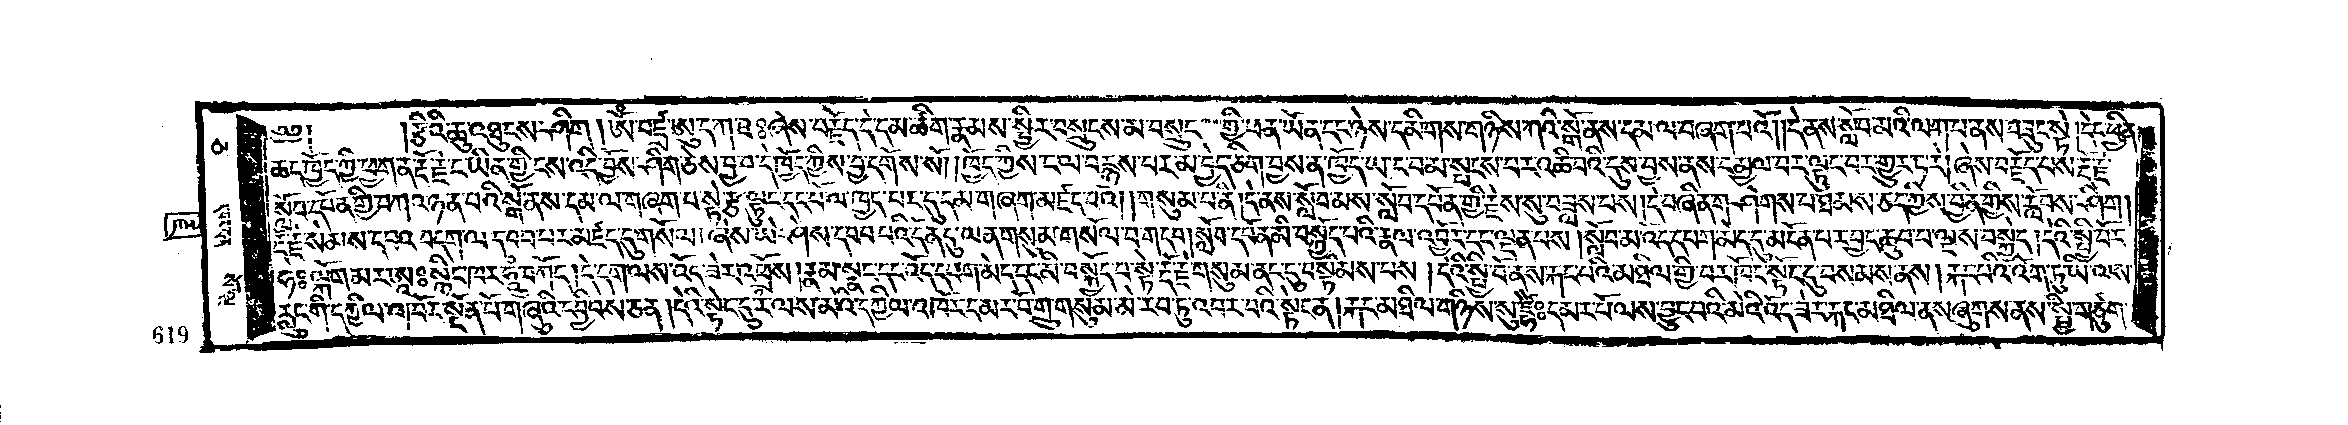༄༅། །རྩིའི་ཆུ་འཐུངས་ཤིག །ཨོཾ་བཛྲ་ཨུ་ད་ཀ་ཊཿཨཿ ཞེས་བརྗོད་དེ་དམ་ཚིག་རྣམས་སྤྱིར་བསྲུངས་མ་བསྲུང་གྱི་ཕན་ཡོན་དང་ཉེས་དམིགས་གཉིས་ཀའི་སྒོ་ནས་དམ་ལ་བཞག་པའོ། །དེ་ནས་སློབ་མའི་ལག་པ་ནས་བཟུང་སྟེ། དེང་ཕྱིན་
ཆད་ཁྱོད་ཀྱི་ཕྱག་ན་རྡོ་རྗེ་ང་ཡིན་གྱི་ངས་འདི་བྱོས་ཤིག་ཅེས་བྱ་བ་དེ་ཁྱོད་ཀྱིས་བྱ་དགོས་སོ། །ཁྱོད་ཀྱིས་ང་ལ་བརྙས་པར་མ་བྱེད་ཅིག་བྱས་ན་ཁྱོད་ཡ་ང་བ་མ་སྤངས་པར་འཆི་བའི་དུས་བྱས་ནས་དམྱལ་བར་ལྟུང་བར་གྱུར་ཏ་རེ། ཞེས་བརྗོད་པས་རྡོ་རྗེ་
སློབ་དཔོན་གྱི་བཀའ་ཉན་པའི་སྒོ་ནས་དམ་ལ་གཞག་པ་སྟེ་རྩ་ལྟུང་དང་པོ་ལ་ཁྱད་པར་དུ་དམ་གཞག་མཛད་པའོ། །གསུམ་པ་ནི། དེ་ནས་སློབ་མས་སློབ་དཔོན་གྱི་རྗེས་སུ་བཟླས་པས། དེ་བཞིན་གཤེགས་པ་ཐམས་ཅད་ཀྱིས་བྱིན་གྱིས་རློབས་ཤིག །
རྡོ་རྗེ་སེམས་དཔའ་བདག་ལ་དབབ་པར་མཛད་དུ་གསོལ། ཞེས་ཡེ་ཤེས་དབབ་པའི་དོན་དུ་ལན་གསུམ་གསོལ་བ་གདབ། སློབ་དཔོན་མི་བསྐྱོད་པའི་རྣལ་འབྱོར་དང་ལྡན་པས། སློབ་མ་འོད་དཔག་མེད་དུ་མངོན་པར་བྱང་ཆུབ་པ་ལྔས་བསྐྱེད། དེའི་སྤྱི་བོར་
ཧཿ ལྐོག་མར་ཨཱཿ སྙིང་ཁར་ཧཱུཾ་བཀོད། དེ་དག་ལས་འོད་ཟེར་འཕྲོས། རྣམ་སྣང་དང་འོད་དཔག་མེད་དང་མི་བསྐྱོད་པ་སྟེ་རྡོ་རྗེ་གསུམ་ནང་དུ་བསྟིམས་པས། དེའི་སྤྱི་བོ་ནས་རྐང་པའི་མཐིལ་གྱི་བར་ཁོང་སྟོང་དུ་བསམས་ནས། རྐང་པའི་འོག་ཏུ་ཡཾ་ལས་
རླུང་གི་དཀྱིལ་འཁོར་སྔོན་པོ་གཞུའི་དབྱིབས་ཅན། དེའི་སྟེང་དུ་རཾ་ལས་མེའི་དཀྱིལ་འཁོར་དམར་པོ་གྲུ་གསུམ་མེ་རབ་ཏུ་འབར་བའི་སྟེང་ན། རྐང་མཐིལ་གཉིས་སུ་ཛྷཻཿ དམར་པོ་ལས་བྱུང་བའི་མེའི་འོད་ཟེར་རྐང་མཐིལ་ནས་ཞུགས་ནས་སྤྱི་གཙུག་